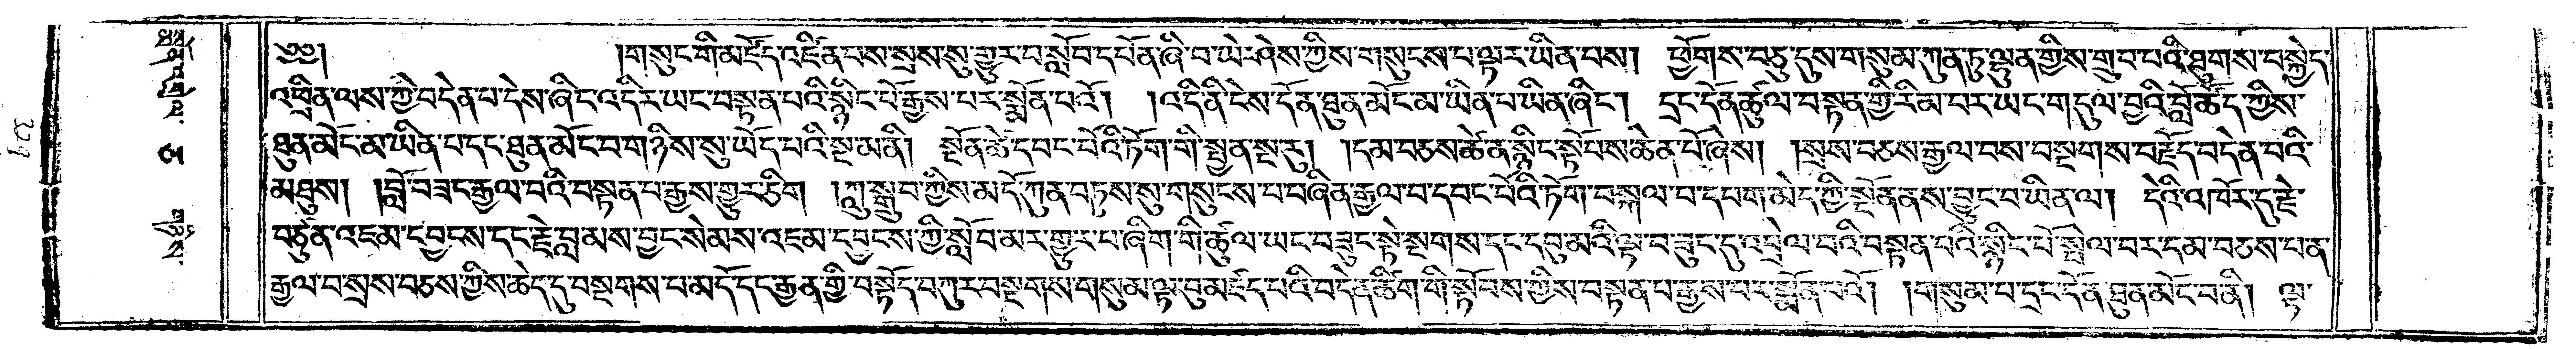༄༅། །གསུང་གི་མཛོད་འྕིན་པས་སྲས་སུ་གྱུར་པ་སློབ་དཔོན་ཞི་བ་ཡེ་ཤེས་ཀྱིས་གསུངས་པ་ལྟར་ཡིན་པས། ཕྱོགས་བཅུ་དུས་གསུམ་ཀུན་ཏུ་ལྷུན་གྱིས་གྲུབ་པའི་ཐུགས་བསྐྱེད་
འཕྲིན་ལས་ཀྱི་བདེན་པ་དེས་ཞིང་འདིར་ཡང་བསྟན་པའི་སྙིང་པོ་རྒྱས་པར་སྨོན་པའོ། །འདི་ནི་ངེས་དོན་ཐུན་མོང་མ་ཡིན་པ་ཡིན་ཞིང་། དྲང་དོན་ཚུལ་བསྟན་གྱི་རིམ་བར་ཡང་གདུལ་བྱའི་བློ་ཚོད་ཀྱིས་
ཐུན་མོང་མ་ཡིན་པ་དང་ཐུན་མོང་བ་གཉིས་སུ་ཡོད་པའི་སྔ་མ་ནི། སྔོན་ཚེ་དབང་པོའི་ཏོག་གི་སྤྱན་སྔ་རུ། །དམ་བཅས་ཚེ་ན་སྙིང་སྟོབས་ཆེན་པོ་ཞེས། །སྲས་བཅས་རྒྱལ་བས་བསྔགས་བརྗོད་བདེན་པའི་
མཐུས། །བློ་བཟང་རྒྱལ་བའི་བསྟན་པ་རྒྱས་གྱུར་ཅིག །ཀླུ་སྒྲུབ་ཀྱིས་མདོ་ཀུན་བཏུས་སུ་གསུངས་པ་བཞིན་རྒྱལ་བ་དབང་པོའི་ཏོག་བསྐལ་བ་དཔག་མེད་ཀྱི་སྔོན་ནས་བྱུང་བ་ཡིན་ལ། དེའི་འཁོར་དུ་རྗེ་
བཙུན་འཇམ་དབྱངས་དང་རྗེ་བླ་མས་བྱང་སེམས་འཇམ་དབྱངས་ཀྱི་སློབ་མར་གྱུར་པ་ཞིག་གི་ཚུལ་ཡང་བཟུང་སྟེ་སྔགས་དང་དབུ་མའི་ལྟ་བ་ཟུང་དུ་འབྲེལ་པའི་བསྟན་བའི་སྙིང་པོ་སྤེལ་བར་དམ་བཅས་པ་ན་
རྒྱལ་བ་སྲས་བཅས་ཀྱིས་ཆེད་དུ་བསྔགས་པ་མདོ་དང་རྒྱན་གྱི་བསྟོད་བཀུར་བསྔགས་གསུམ་ལྟ་བུ་མཛད་པའི་བདེན་ཚིག་གི་སྟོབས་ཀྱིས་བསྟན་པ་རྒྱས་པར་སྨོན་པའོ། །གསུམ་ཕ་དྲང་དོན་ཐུན་མོང་བ་ནི། ལྟ་